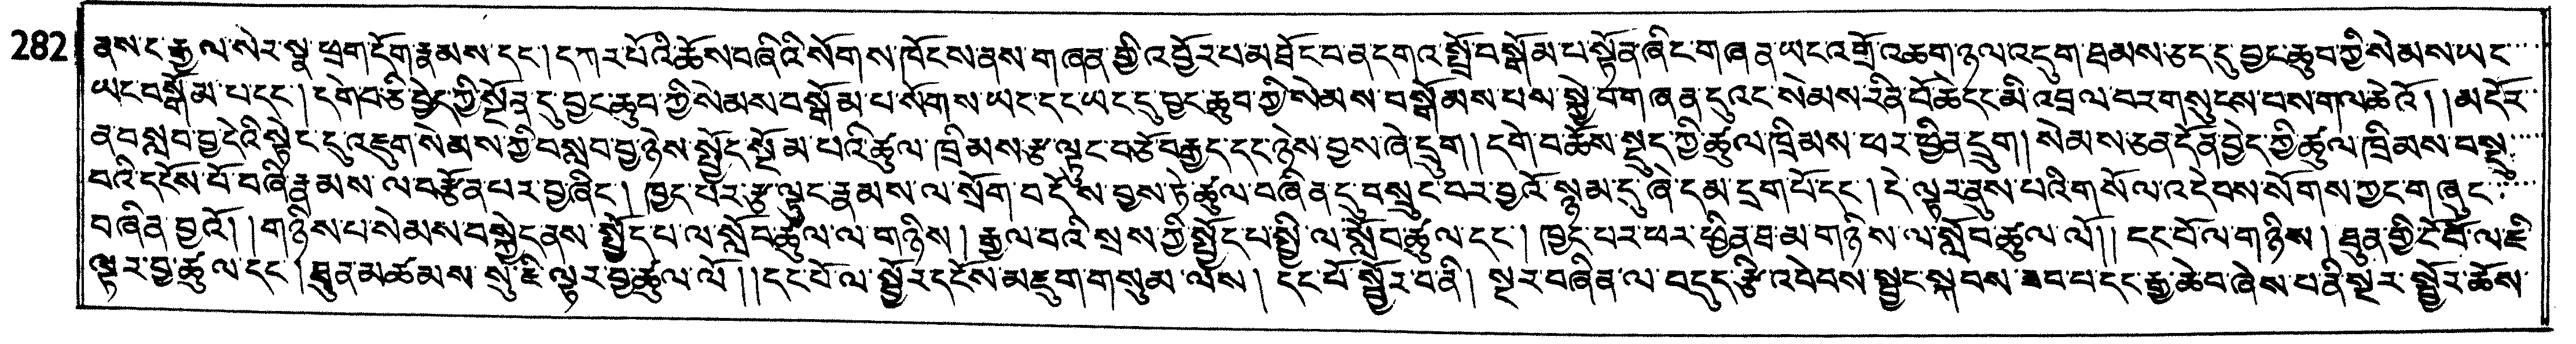ནས་ང་རྒྱལ་སེར་སྣ་ཕྲག་དོག་རྣམས་དང་། དཀར་པོའི་ཆོས་བཞིའི་སོགས་ཁོངས་ནས་གཞན་གྱི་འབྱོར་པ་མཐོང་བ་ན་དགའ་སྤྲོ་བསྒོམ་པ་སྟོན་ཞིང་གཞན་ཡང་འགྲོ་འཆག་ཉལ་འདུག་ཐམས་ཅད་དུ་བྱང་ཆུབ་ཀྱི་སེམས་ཡང་
ཡང་བསྒོམ་པ་དང་། དགེ་བ་ཅི་བྱེད་ཀྱི་སྔོན་དུ་བྱང་ཆུབ་ཀྱི་སེམས་བསྒོམ་པ་སོགས་ཡང་དང་ཡང་དུ་བྱང་ཆུབ་ཀྱི་སེམས་བསྒོམས་པས་སྐྱེ་བ་གཞན་དུའང་སེམས་རིན་པོ་ཆེ་དང་མི་འབྲལ་བར་གསུངས་པས་གལ་ཆེའོ། །མདོར་
ན་བསླབ་བྱ་དེའི་སྟེང་དུ་འཇུག་སེམས་ཀྱི་བསླབ་བྱ་ཉེས་སྤྱོད་སྡོམ་པའི་ཚུལ་ཁྲིམས་རྩ་ལྟུང་བཅོ་བརྒྱད་དང་ཉེས་བྱས་ཞེ་དྲུག །དགེ་བ་ཆོས་སྡུད་ཀྱི་ཚུལ་ཁྲིམས་ཕར་ཕྱིན་དྲུག །སེམས་ཅན་དོན་བྱེད་ཀྱི་ཚུལ་ཁྲིམས་བསྡུ་
བའི་དངོས་པོ་བཞི་རྣམས་ལ་བརྩོན་པར་བྱ་ཞིང་། ཁྱད་པར་རྩ་ལྟུང་རྣམས་ལ་སྲོག་བདོས་བྱས་ཏེ་ཚུལ་བཞིན་དུ་བསྲུང་བར་བྱའོ་སྙམ་དུ་ཞེ་དམ་དྲག་པོ་དང་། དེ་ལྟར་ནུས་པའི་གསོལ་འདེབས་སོགས་ཀྱང་གཞུང་
བཞིན་བྱའོ། །གཉིས་པ་སེམས་བསྐྱེད་ནས་སྤྱོད་པ་ལ་སློབ་ཚུལ་ལ་གཉིས། རྒྱལ་བའི་སྲས་ཀྱི་སྤྱོད་པ་སྤྱི་ལ་སློབ་ཚུལ་དང་། ཁྱད་པར་ཕར་ཕྱིན་ཐ་མ་གཉིས་ལ་སློབ་ཚུལ་ལོ། །དང་པོ་ལ་གཉིས། ཐུན་གྱི་ངོ་བོ་ལ་ཇི་
ལྟར་བྱ་ཚུལ་དང་། ཐུན་མཚམས་སུ་ཇི་ལྟར་བྱ་ཚུལ་ལོ། །དང་པོ་ལ་སྦྱོར་དངོས་མཇུག་གསུམ་ལས། དང་པོ་སྦྱོར་བ་ནི། སྔར་བཞིན་ལ་བདུད་རྩི་འབེབས་སྦྱང་སྐབས་ཟབ་པ་དང་རྒྱ་ཆེ་བ་ཞེས་པ་ནི་སྔར་སྦྱོར་ཆོས་